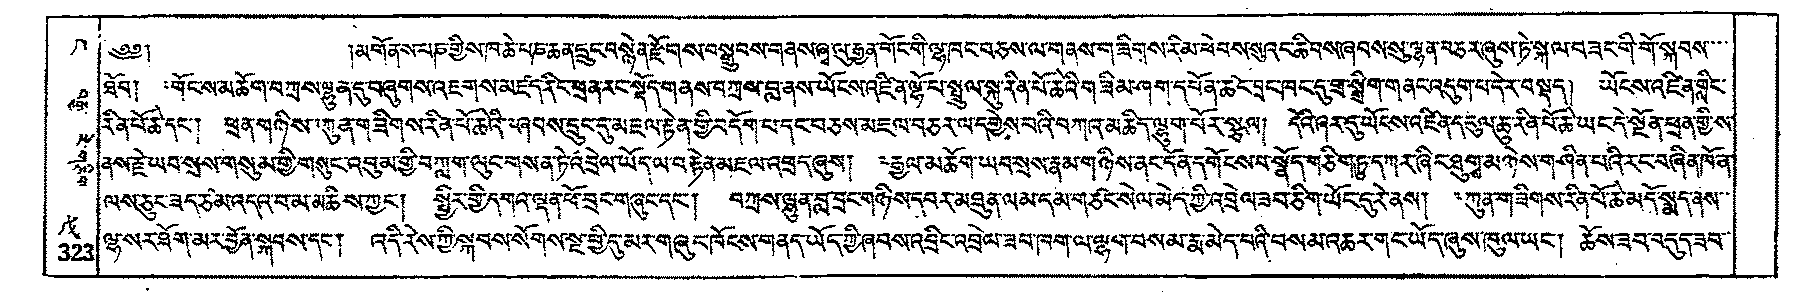༄༅། །མགོན་ས་པཎ་གྱིས་ཁ་ཆེ་པཎ་ཆན་དྲུང་བསྙེན་རྫོགས་བསྒྲུབས་གནས་ཞྭ་ལུ་རྒྱན་གོང་གི་ལྷ་ཁང་བཅས་ལ་གནས་གཟིགས་རིམ་ཕེབས་སུའང་ཆིབས་ཞབས་སུ་ལྷན་བཅར་ཞུས་ཏེ་སྐལ་བཟང་གི་གོ་སྐབས་
ཐོབ། ༧གོང་ས་མཆོག་བཀྲས་ལྷུན་དུ་བཞུགས་འཇགས་མཛད་རིང་ཕྲན་རང་སྡོད་གནས་བཀྲས་བླ་ནས་ཡོངས་འཛིན་ལྷོ་པ་སྤྲུལ་སྐུ་རིན་པོ་ཆེའི་གཟིམ་ཤག་དཔོན་ཚང་བྲང་ཁང་དུ་གྲ་སྒྲིག་གནང་འདུག་པ་དེར་བསྡད། ཡོངས་འཛིན་གླིང་

རིན་པོ་ཆེ་དང་། ཕྲན་གཉིས ༧ཀུན་གཞ་

རྟེན་གྱི་བདོག་པ་དང་བཅས་མཇལ་བཅར་ལ་དགྱེས་པའི་བཀའ་མཆིད་ལྷུག་པོར་སྩལ། དེའི་ཞར་དུ་ཡོངས་འཛིན་དངུལ་ཆུ་རིན་པོ་ཆེ་ཡང་དེ་སྔོན་ཕྲན་གྱི་ས་
ནས་རྗེ་ཡབ་སྲས་གསུམ་གྱི་གསུང་འབུམ་གྱི་བཀླག་ལུང་གསན་ཏེ་འབྲེལ་ཡོད་ལ་བརྟེན་མཇལ་འཕྲད་ཞུས། ༧རྒྱལ་མཆོག་ཡབ་སྲས་རྣམ་གཉིས་ནང་དོན་དགོངས་པ་སྣོད་གཅིག་ཏུ་དཀར་ཞིང་ཐུགས་མཉེས་གཤིན་པའི་རང་བཞིན་ཁོ་ན་
ལས་ཅུང་ཟད་ཙམ་འདའ་བ་མ་མཆིས་ཀྱང་། སྤྱིར་གྱི་དགའ་ལྡན་ཕོ་བྲང་གཞུང་དང་། བཀྲས་ལྷུན་བླ་བྲང་གཉིས་དབར་མཐུན་ལམ་དམ་གཙང་སེལ་མེད་ཀྱི་འབྲེལ་ཟབ་ཅིག་ཡོང་དུ་རེ་ནས། ༧ཀུན་གཟིགས་རིན་པོ་ཆེ་མདོ་སྨད་ནས་
ལྷ་སར་ཐོག་མར་བྱོན་སྐབས་དང་། འདི་རེས་ཀྱི་སྐབས་སོགས་སྔ་ཕྱི་དུ་མར་གཞུང་ཁོངས་གནད་ཡོད་ཀྱི་ཞབས་འབྲིང་འབྲེལ་ཟབ་ཁག་ལ་ལྷག་བསམ་རྨ་མེད་པའི་བསམ་འཆར་གང་ཡོད་ཞུས་ཁུལ་ཡང་། ཆོས་ཟབ་བདུད་ཟབ་